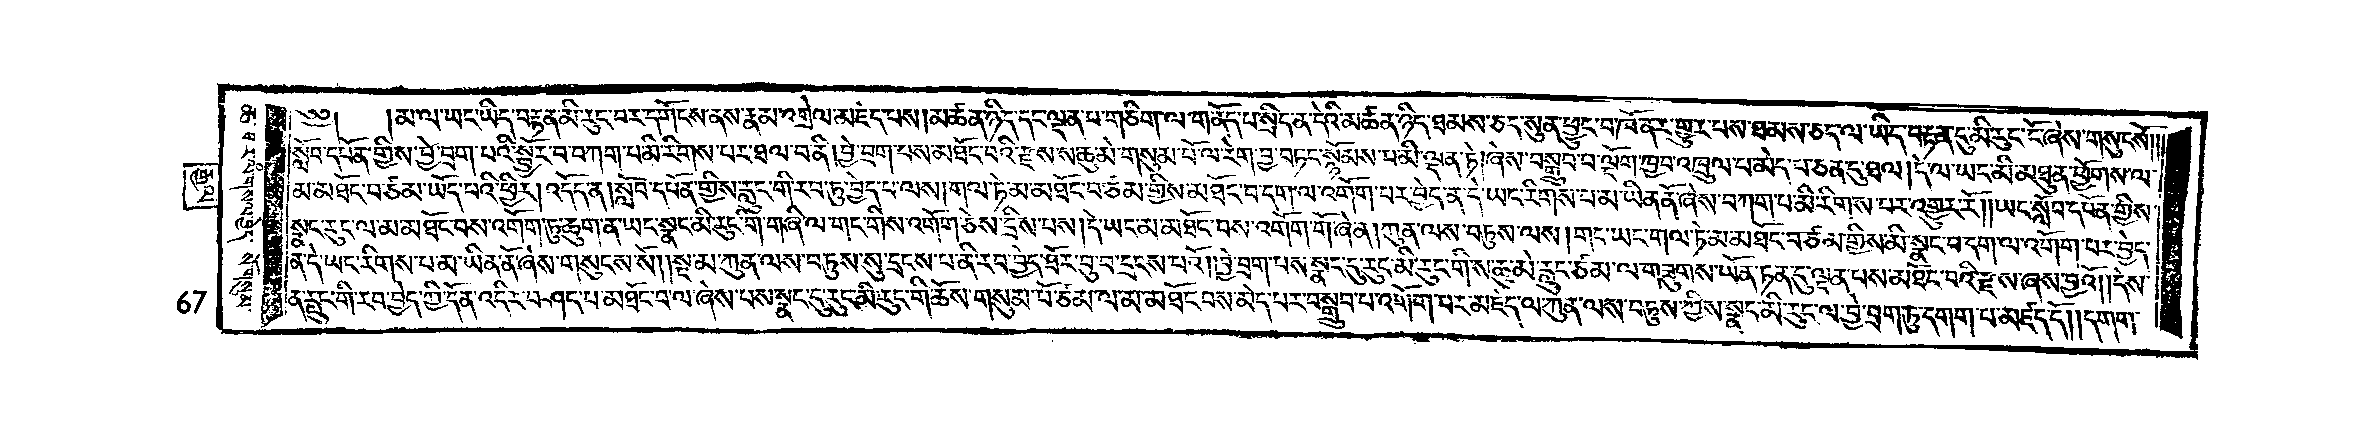༄༅། །མ་ལ་ཡང་ཡིད་བརྟན་མི་རུང་བར་དགོངས་ནས་རྣམ་འགྲེལ་མཛད་པས། མཚན་ཉིད་དང་ལྡན་པ་གཅིག་ལ་གནོད་པ་སྲིད་ན་དེའི་མཚན་ཉིད་ཐམས་ཅད་སུན་ཕྱུང་བ་ཁོ་ནར་གྱུར་པས་ཐམས་ཅད་ལ་ཡིད་བརྟན་དུ་མི་རུང་ངོ་ཞེས་གསུངས་སོ།།
སློབ་དཔོན་གྱིས་བྱེ་བྲག་པའི་སྦྱོར་བ་བཀག་པ་མི་རིགས་པར་ཐལ་བ་ནི། བྱེ་བྲག་པས་མཐོང་བའི་རྫས་ས་ཆུ་མེ་གསུམ་པོ་ལ་རེག་བྱ་བཏང་སྙོམས་པ་མི་ལྡན་ཏེ། ཞེས་བསྒྲུབ་པ་ལྡོག་ཁྱབ་འཁྲུལ་པ་མེད་པ་ཅན་དུ་ཐལ། དེ་ལ་ཡང་མི་མཐུན་ཕྱོགས་ལ་
མ་མཐོང་བ་ཙམ་ཡོད་པའི་ཕྱིར། འདོད་ན། སློབ་དཔོན་གྱིས་རླུང་གི་རབ་ཏུ་བྱེད་པ་ལས། གལ་ཏེ་མ་མཐོང་བ་ཙམ་གྱིས་མཐོང་བ་དག་ལ་འགོག་པར་བྱེད་ན་དེ་ཡང་རིགས་པ་མ་ཡིན་ནོ་ཞེས་བཀག་པ་མི་རིགས་པར་འགྱུར་རོ། །ཡང་སློབ་དཔོན་གྱིས་
སྣང་རུང་ལ་མ་མཐོང་བས་འགོག་ཏུ་ཆུག་ན་ཡང་སྣང་མི་རུང་གི་གཞི་ལ་གང་གིས་འགོག་ཅེས་དྲིས་པས། དེ་ཡང་མ་མཐོང་བས་འགོག་གོ་ཞེ་ན། ཀུན་ལས་བཏུས་ལས། གང་ཡང་གལ་ཏེ་མ་མཐོང་བ་ཙམ་གྱིས་མི་སྣང་བ་དག་ལ་འགོག་པར་བྱེད་
ན་དེ་ཡང་རིགས་པ་མ་ཡིན་ནོ་ཞེས་གསུངས་སོ། །སྔ་མ་ཀུན་ལས་བཏུས་སུ་དྲངས་པ་ནི་རབ་བྱེད་ཐོར་བུ་བ་དྲངས་པའོ། །བྱེ་བྲག་པས་སྣང་དུ་རུང་མི་རུང་གི་ས་ཆུ་མེ་རླུང་ཙམ་ལ་གཟུགས་ཡོན་ཏན་དུ་ལྡན་པས་མཐོང་བའི་རྫས་ཞེས་བྱའོ། །དེས་
ན་རླུང་གི་རབ་བྱེད་ཀྱི་དོན་འདིར་བཤད་པ་མཐོང་བ་ལ་ཞེས་པས་སྣང་དུ་རུང་མི་རུང་གི་ཆོས་གསུམ་པོ་ཙམ་ལ་མ་མཐོང་བས་མེད་པར་བསྒྲུབ་པ་འགོག་པར་མཛད་ལ་ཀུན་ལས་བཏུས་ཀྱིས་སྣང་མི་རུང་ལ་བྱེ་བྲག་ཏུ་དགག་པ་མཛད་དོ། །དགག་